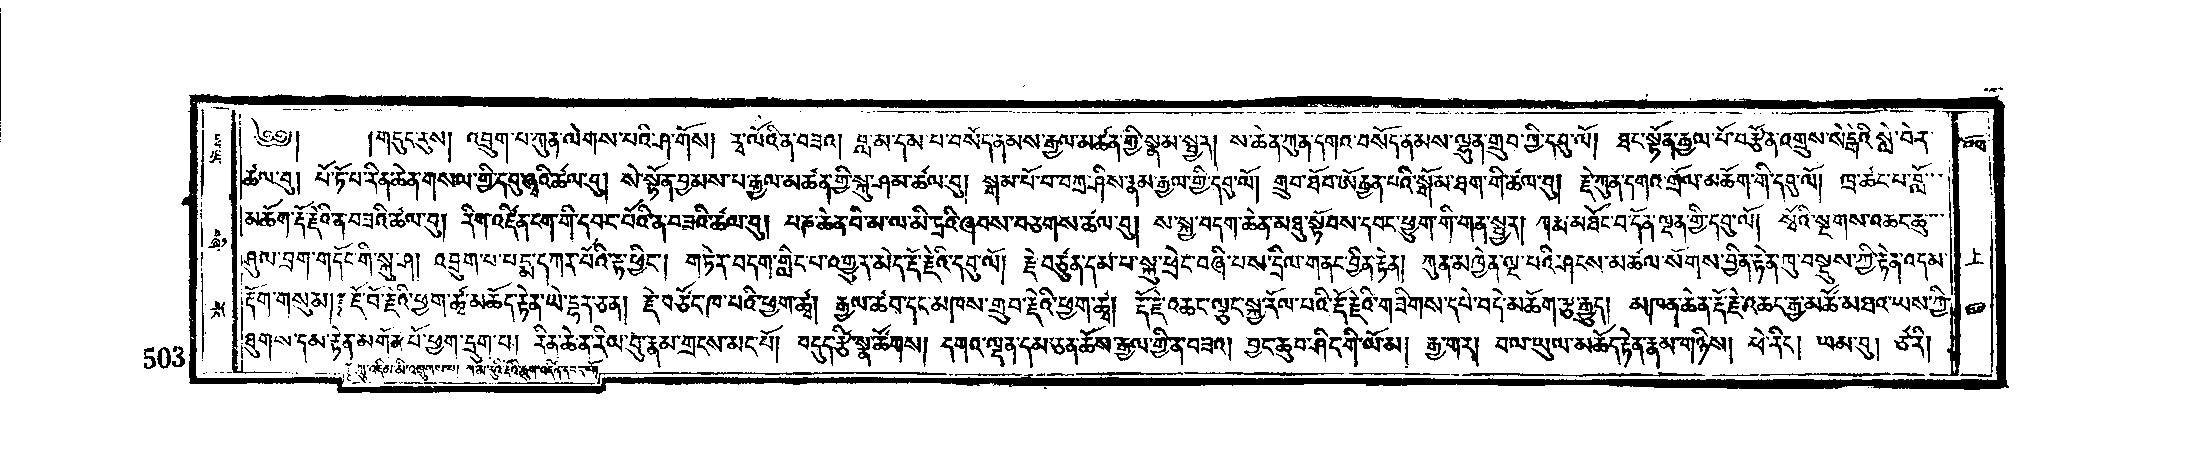༄༅། །གདུང་རུས། འབྲུག་པ་ཀུན་ལེགས་པའི་ཤ་གོས། རྭ་ལོའི་ན་བཟའ། བླ་མ་དམ་པ་བསོད་ནམས་རྒྱལ་མཚན་གྱི་སྣམ་སྦྱར། ས་ཆེན་ཀུན་དགའ་བསོད་ནམས་ལྷུན་གྲུབ་ཀྱི་དབུ་ལོ། ཐང་སྟོན་རྒྱལ་པོ་བརྩོན་འགྲུས་སེངྒེའི་སླེ་བེར་
ཚལ་བུ། པོ་ཏོ་པ་རིན་ཆེན་གསལ་གྱི་དབུ་ཞྭའི་ཚལ་བུ། སེ་སྟོན་བྱམས་པ་རྒྱལ་མཚན་གྱི་སྐུ་ཤམ་ཚལ་བུ། སྒམ་པོ་པ་བཀྲ་ཤིས་རྣམ་རྒྱལ་གྱི་དབུ་ལོ། གྲུབ་ཐོབ་ཨོ་རྒྱན་པའི་སྒོམ་ཐག་གི་ཚལ་བུ། རྗེ་ཀུན་དགའ་གྲོལ་མཆོག་གི་དབུ་ལོ། ཁྲ་ཚང་པ་བློ་
མཆོག་རྡོ་རྗེའི་ན་བཟའི་ཚལ་བུ། རིག་འཛིན་ངག་གི་དབང་པོའི་ན་བཟའི་ཚལ་བུ། པཎ་ཆེན་བི་མ་ལ་མི་ཏྲའི་ཞབས་བཅགས་ཚལ་བུ། ས་སྐྱ་བདག་ཆེན་མཐུ་སྟོབས་དབང་ཕྱུག་གི་གན་སྦྱར། ཀརྨ་མཐོང་བ་དོན་ལྡན་གྱི་དབུ་ལོ། སྭོའི་སྔགས་འཆང་ཆུ་
ཤུལ་བྲག་གདོང་གི་སྐུ་ཤ། འབྲུག་པ་པདམ་དཀར་པོའི་རྟ་ཕྱིང་། གཏེར་བདག་གླིང་པ་འགྱུར་མེད་རྡོ་རྗེའི་དབུ་ལོ། རྗེ་བཙུན་དམ་པ་སྐུ་ཕྲེང་བཞི་པས་དྲིལ་གནང་བྱིན་རྟེན། ཀུན་མཁྱེན་ལྔ་པའི་ཤངས་མཚལ་སོགས་བྱིན་རྟེན་ཁུ་བསྡུས་ཀྱི་རྟེན་འདམ་
རྡོག་གསུམ། ཀླུ་འཇིམ་མི་འཁྲུགས་པ། ཀ་མ་རུའི་རྡོའི་རྨུག་འཛིན་དབང་པོ།  ཇོ་བོ་རྗེའི་ཕྱག་ཚྭ་མཆོད་རྟེན་ཡེ་དྷར་ཅན། རྗེ་བཙོང་ཁ་པའི་ཕྱག་ཚྭ། རྒྱལ་ཚབ་དང་མཁས་གྲུབ་རྗེའི་ཕྱག་ཚྭ། རྡོ་རྗེ་འཆང་ལྕང་སྐྱ་རོལ་པའི་རྡོ་རྗེའི་གཟིགས་དཔེ་བདེ་མཆོག་རྩ་རྒྱུད། མཁན་ཆེན་རྡོ་རྗེ་འཆང་རྒྱ་མཚོ་མཐའ་ཡས་ཀྱི་
ཐུགས་དམ་རྟེན་མགོན་པོ་ཕྱག་དྲུག་པ། རིན་ཆེན་རིལ་བུ་རྣམ་གྲངས་མང་པོ། བདུད་རྩི་སྣ་ཚོགས། དགའ་ལྡན་དམ་ཅན་ཆོས་རྒྱལ་གྱི་ན་བཟའ། བྱང་ཆུབ་ཤིང་གི་ལོ་མ། རྒྱ་གར། བལ་ཡུལ་མཆོད་རྟེན་རྣམ་གཉིས། ཕེ་རིང་། ཡམ་བུ། ཙ་རི།